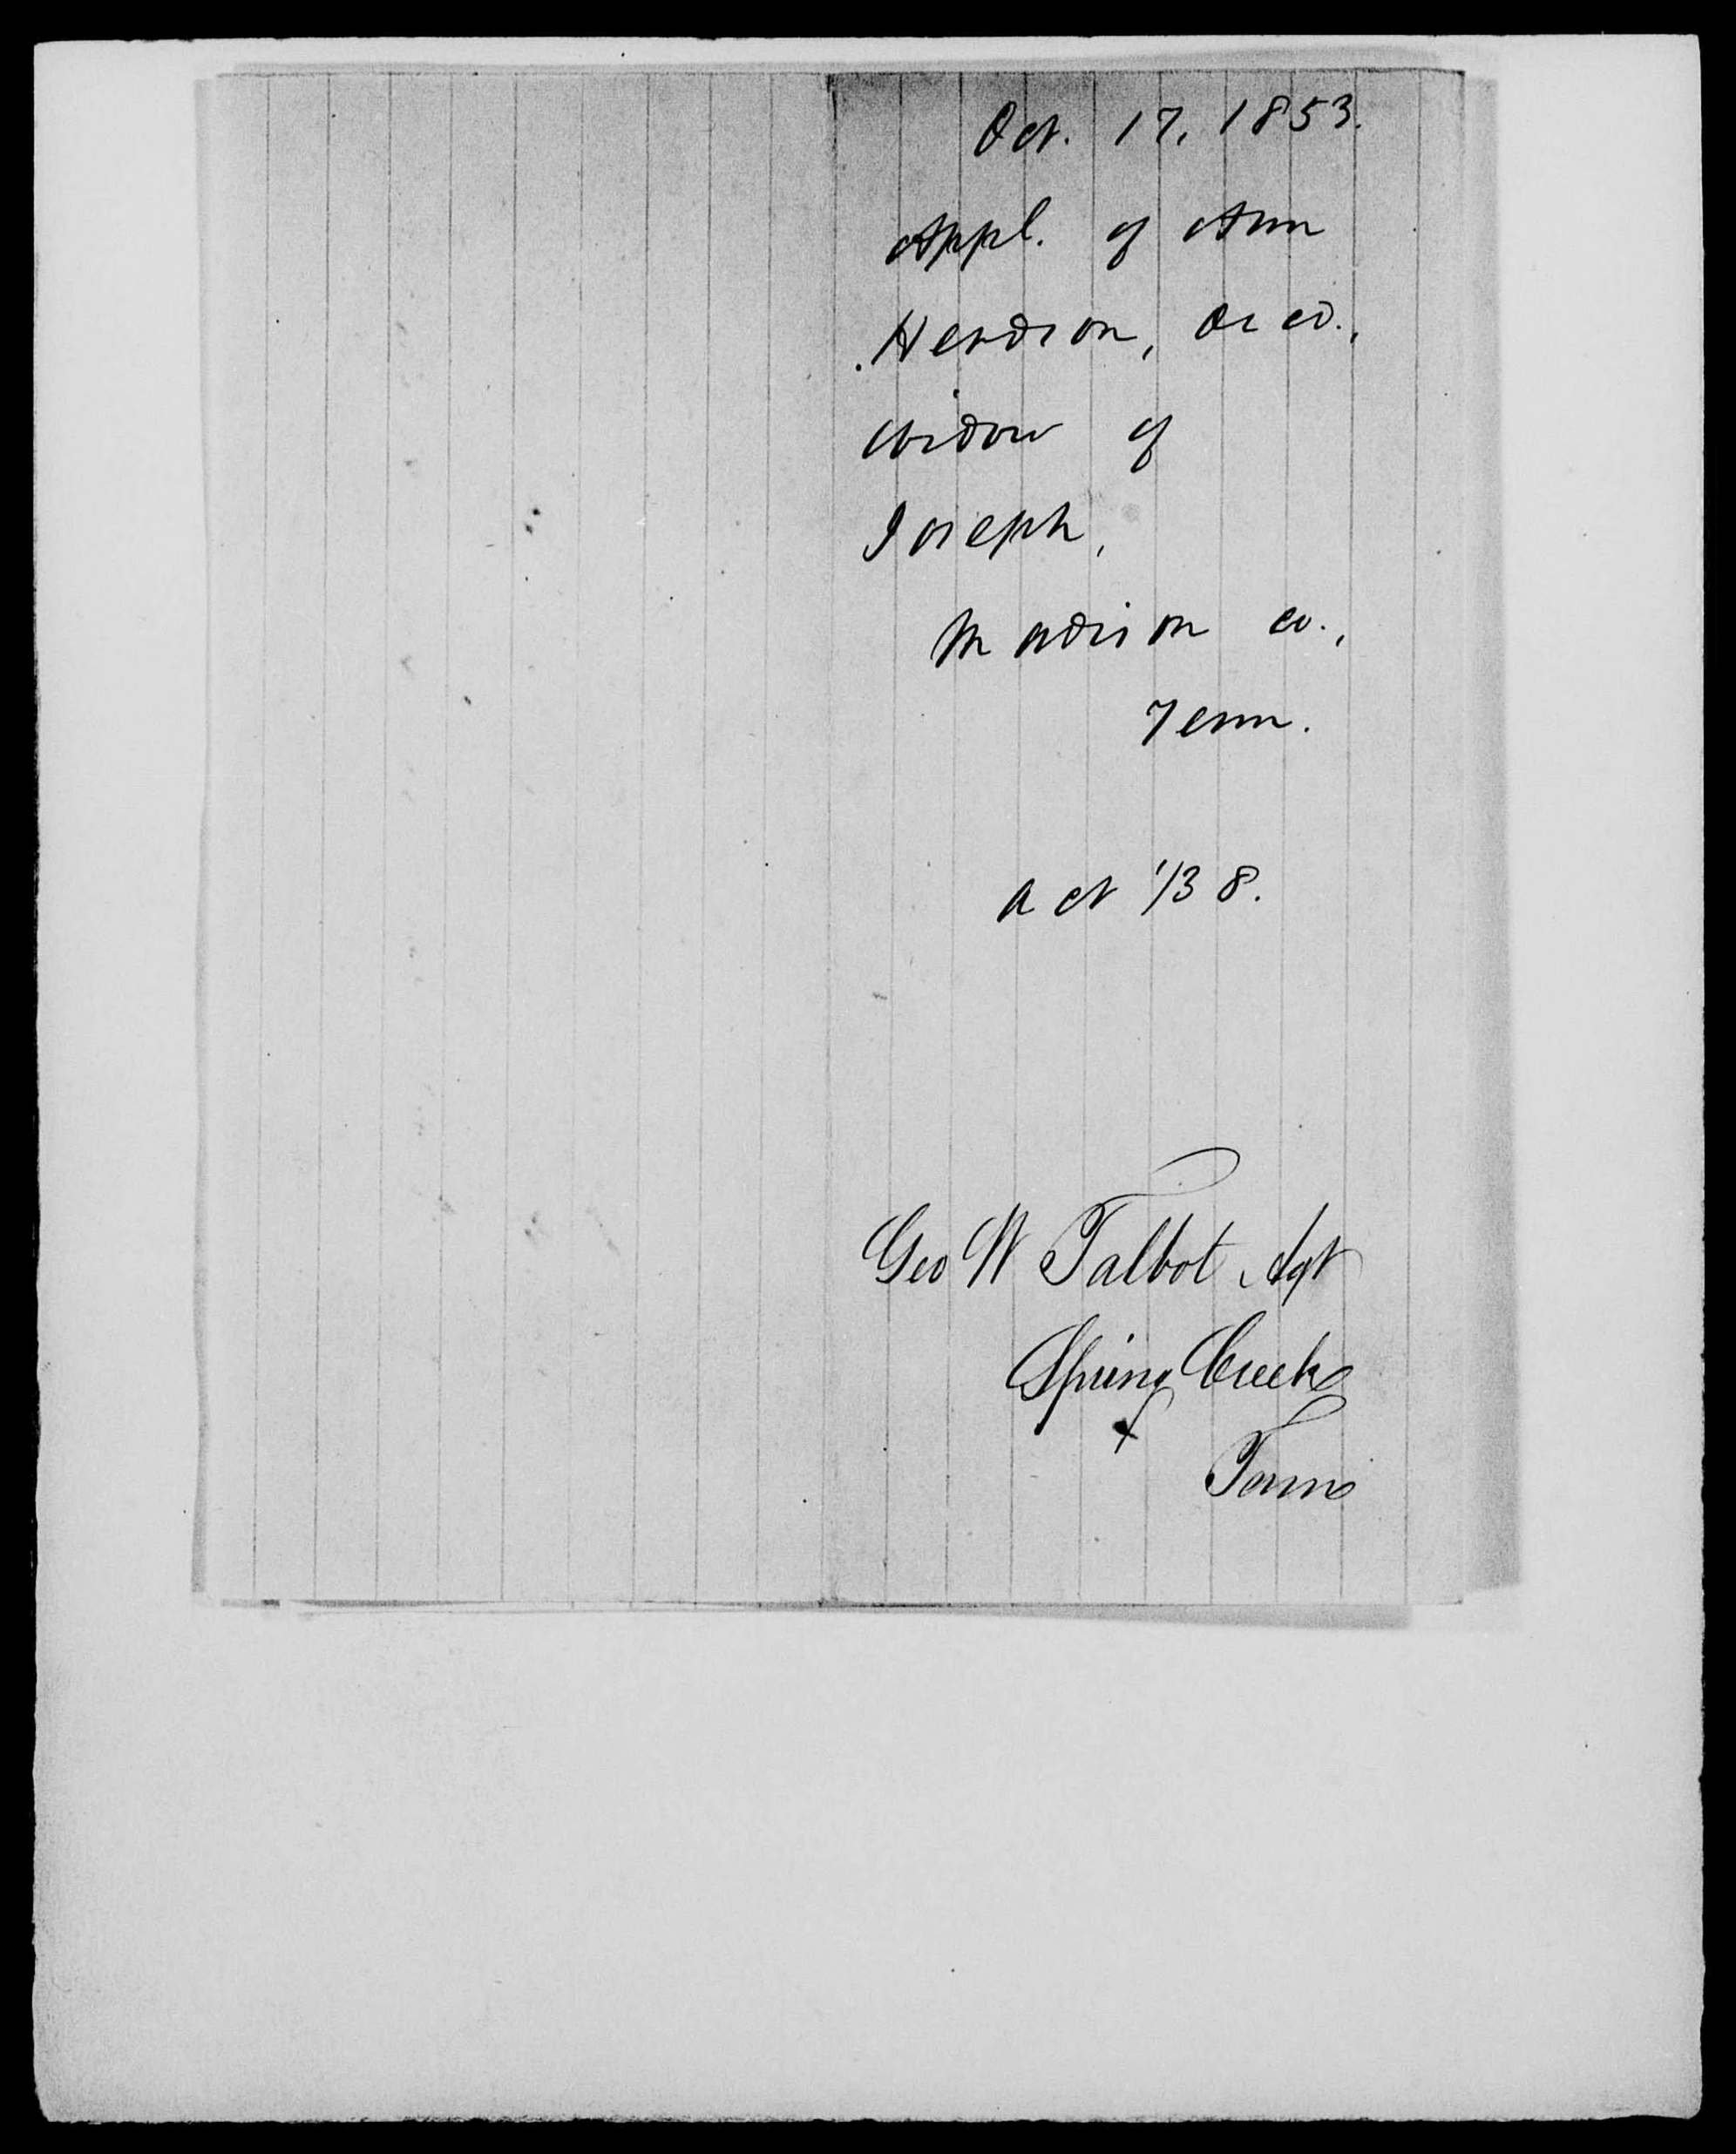Oct. 17, 1853

Appl. of Ann
Hudson,  [?]
widow of 
Joseph
Madison Co
Tenn.

Act '/38.

Geo W Talbot Agt
Spring Creek
Tenns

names: Geo W Talbot, Ann Hudson, Joseph Hudson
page: 7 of 7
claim: rejected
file: R. 5325, Joseph Hudson, Va.